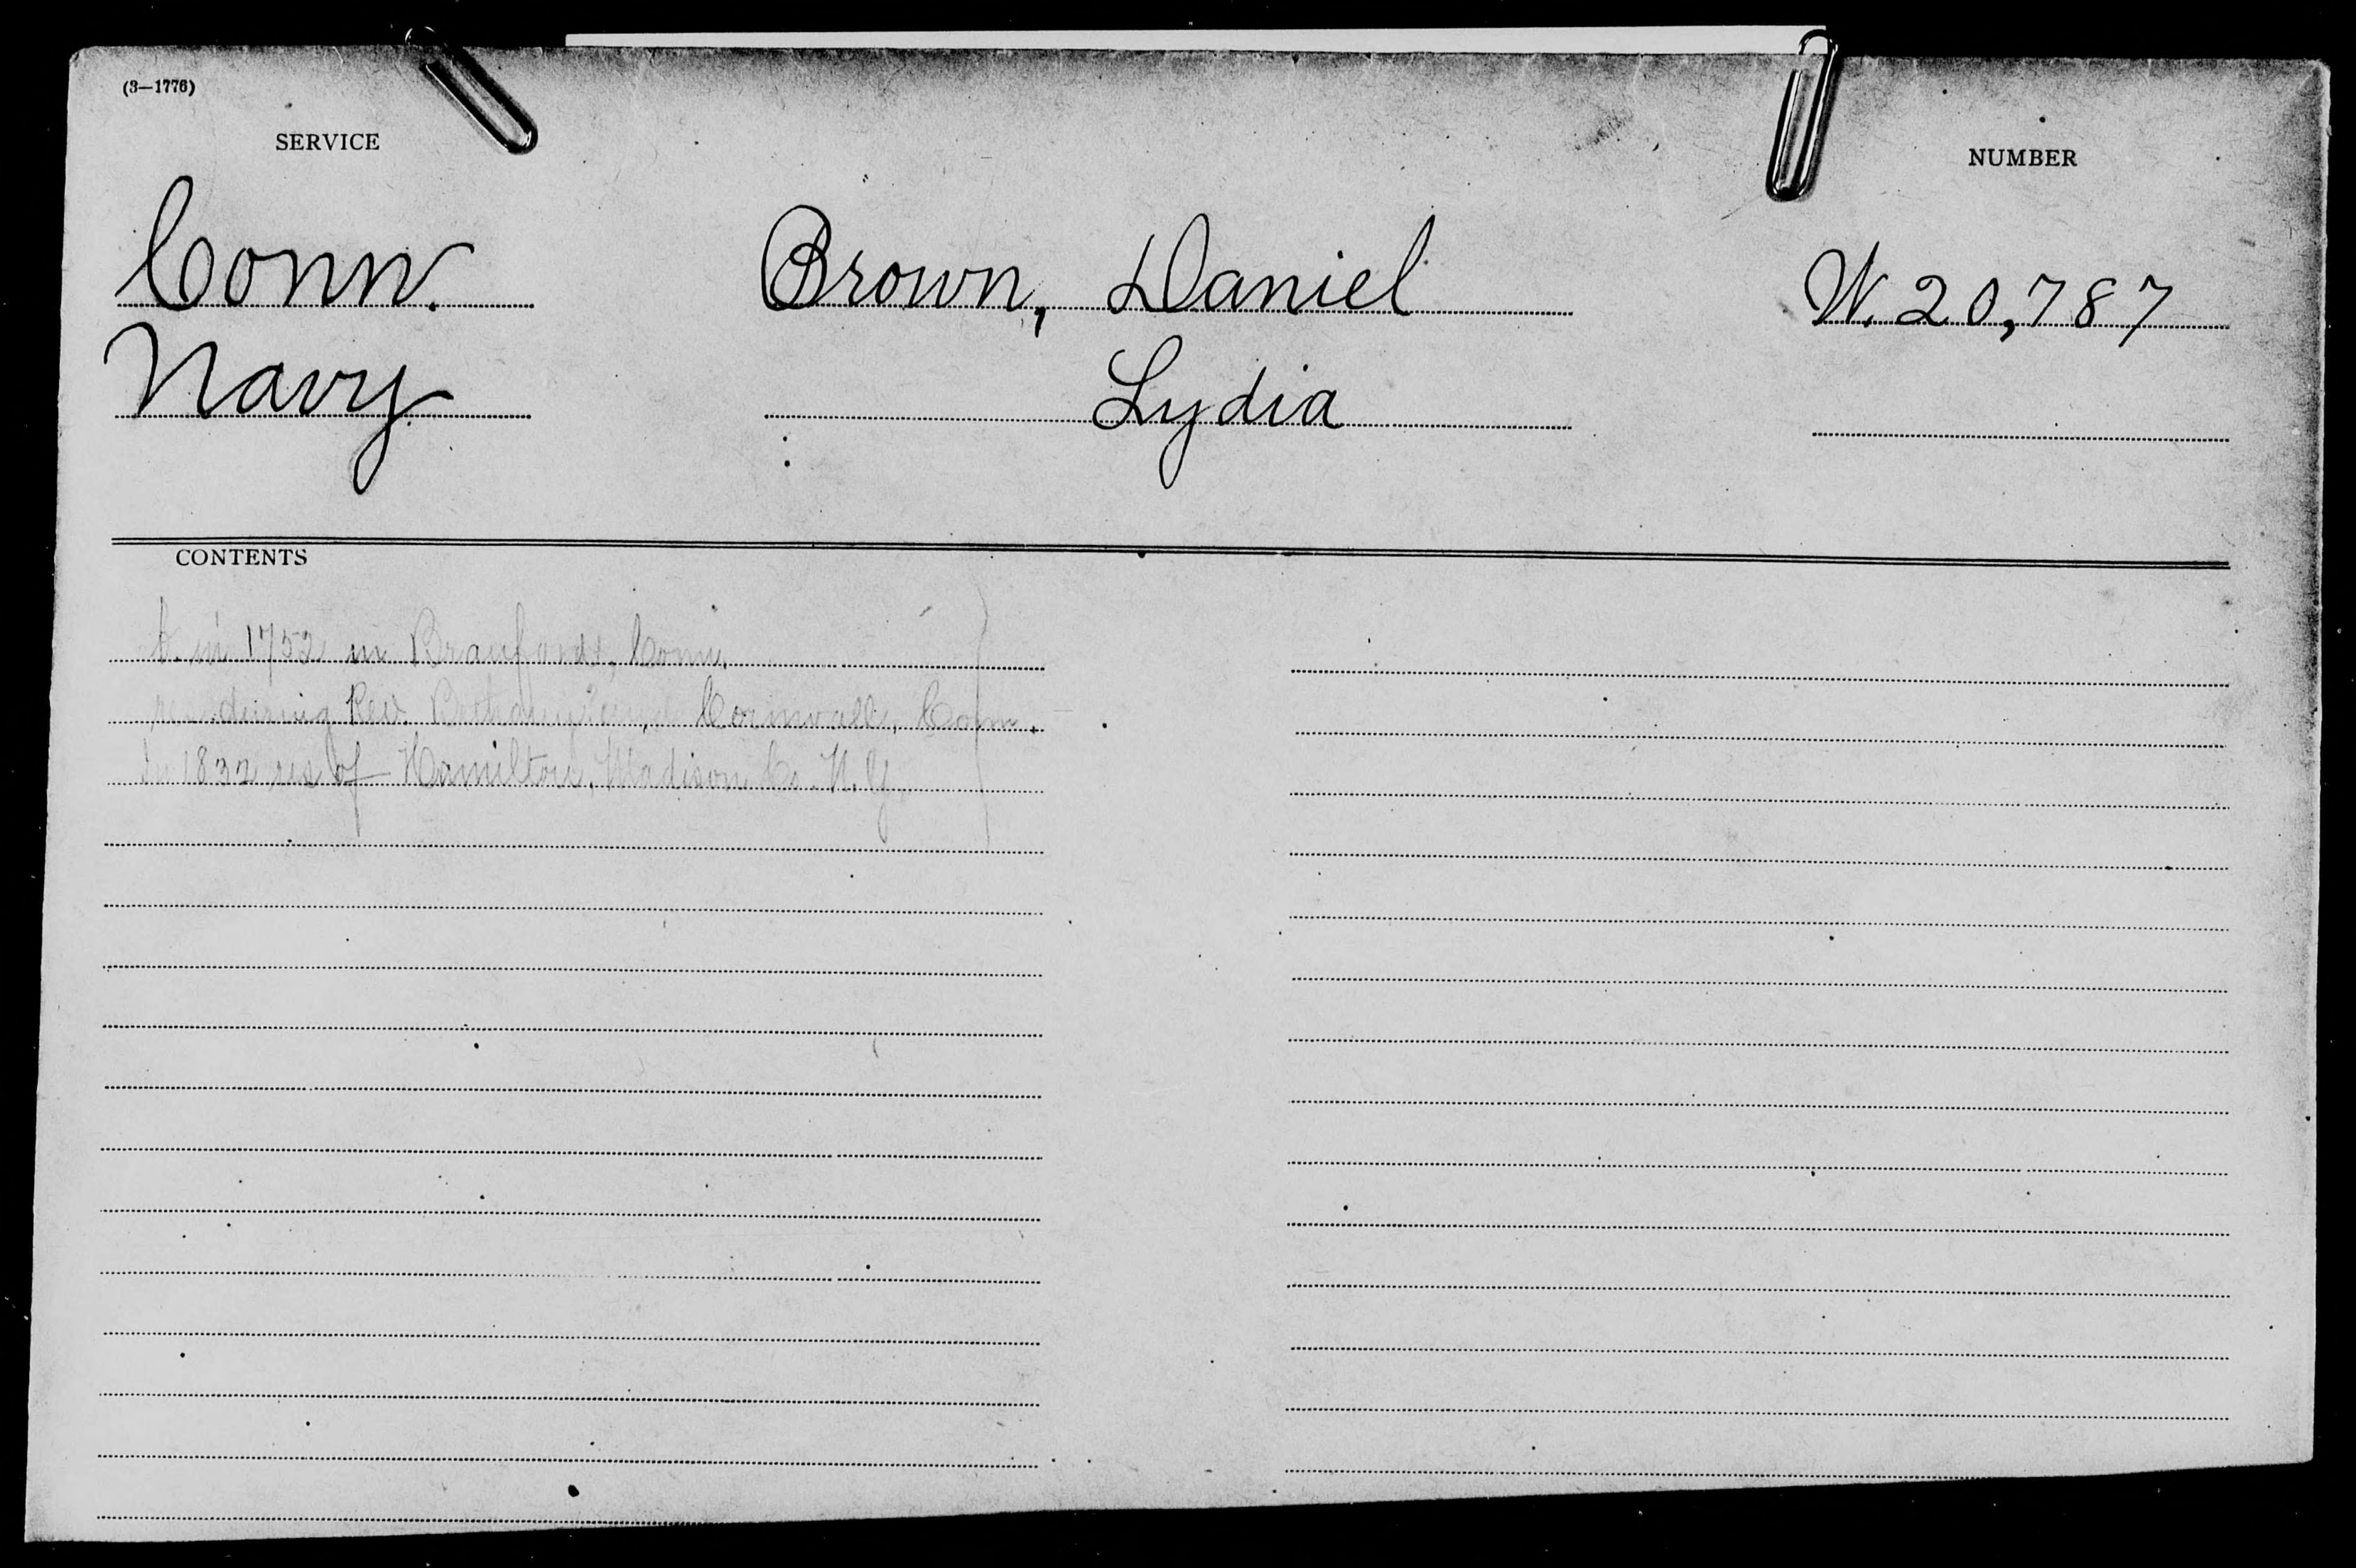SERVICE
Conn. Navy  

Brown, Daniel
Lydia 

NUMBER               
W 20,787
             
CONTENTS

 b. in 1752 in Braufordt, Conn.
res. during Revolution Bethany and Cornwall, Conn.
in 1832 res. of Hamilton, Madison, Co. N. Y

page: 1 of 37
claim: widow's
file: W. 20,787, Daniel Brown, Conn. Navy.